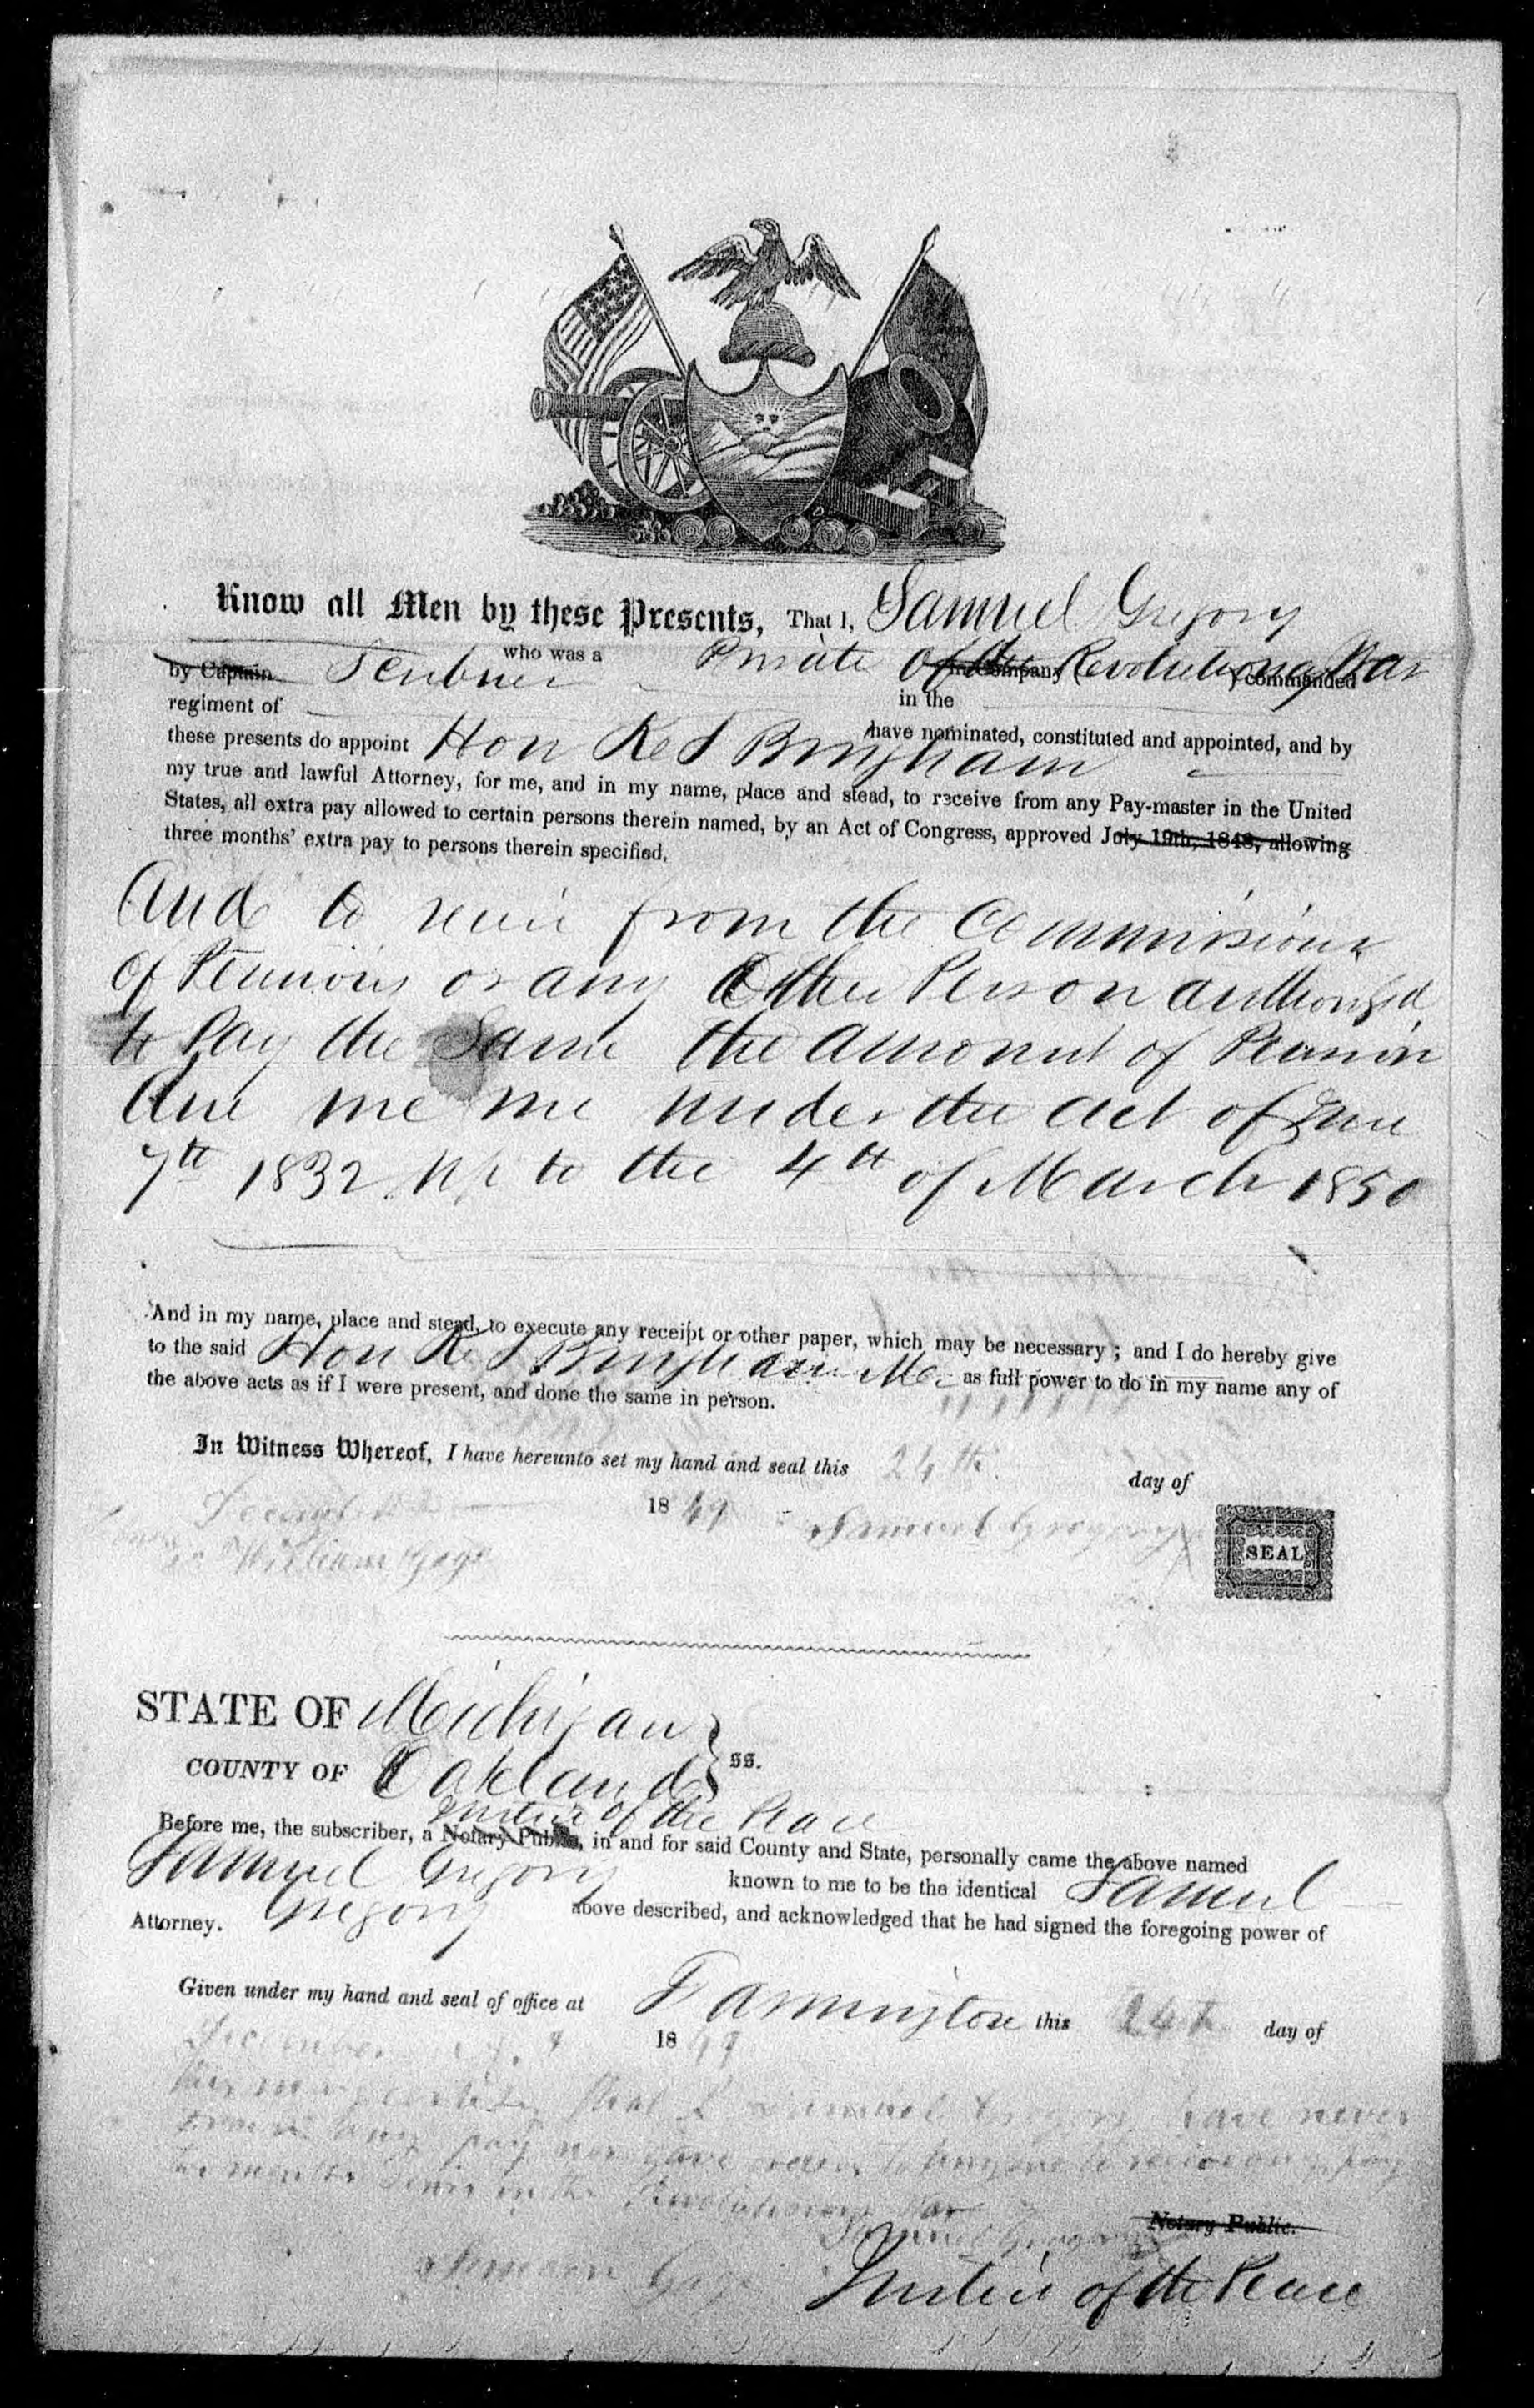Know all Men by these Presents, That I, Samuel Gregory who was a Private in the Revolutionary War commanded by Scribner in the [blank] regiment of [blank] these presents do appoint Hon Red Bringham my true and lawful Attorney, for me, and in my name, place and stead, to receive from any Pay-master in the United States, all extra pay allowed to certain persons therein named, by an Act of Congress, approved three month's extra pay to persons therein specified.

And to [illegible] from the Commissioner of Pensions or any other person authorized to pay the same the amount of pension  [illegible] under the Act of June 7th 1832 w/i to the 4th of March 1851

And in my name, place and stead, to execute any receipt or other paper, which may be necessary; and I do hereby give to the said Hon R Bringham as full power to do in my name any of the above acts as if I were present, and done the same in person.

In Witness Whereof, I have hereunto set my hand and seal this 24th day of December 1849   Samuel Gregory
William Gage

State of Michigan
County of Oakland ss. 
Before me, the subscriber, a Justice of the peace in and for said County and State, personally came the above named Samuel Gregory known to me to be the identical Samuel Gregory above described, and acknowledged that he had signed the foregoing power of Attorney.

Given under my hand and seal of office at Farmington this 24th day of December 1849

[illegible]

Simon Gage  Justice of the Peace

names: Simeon Gase, Samuel Gregory, Samuel Gregory, K S Bingham, K S Bingham, Samuel Gregory, William Goge, Samuel Gregory, Samuel Gregory, Samuel Gregory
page: 65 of 66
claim: rejected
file: R. 4298, Samuel Gregory, New York